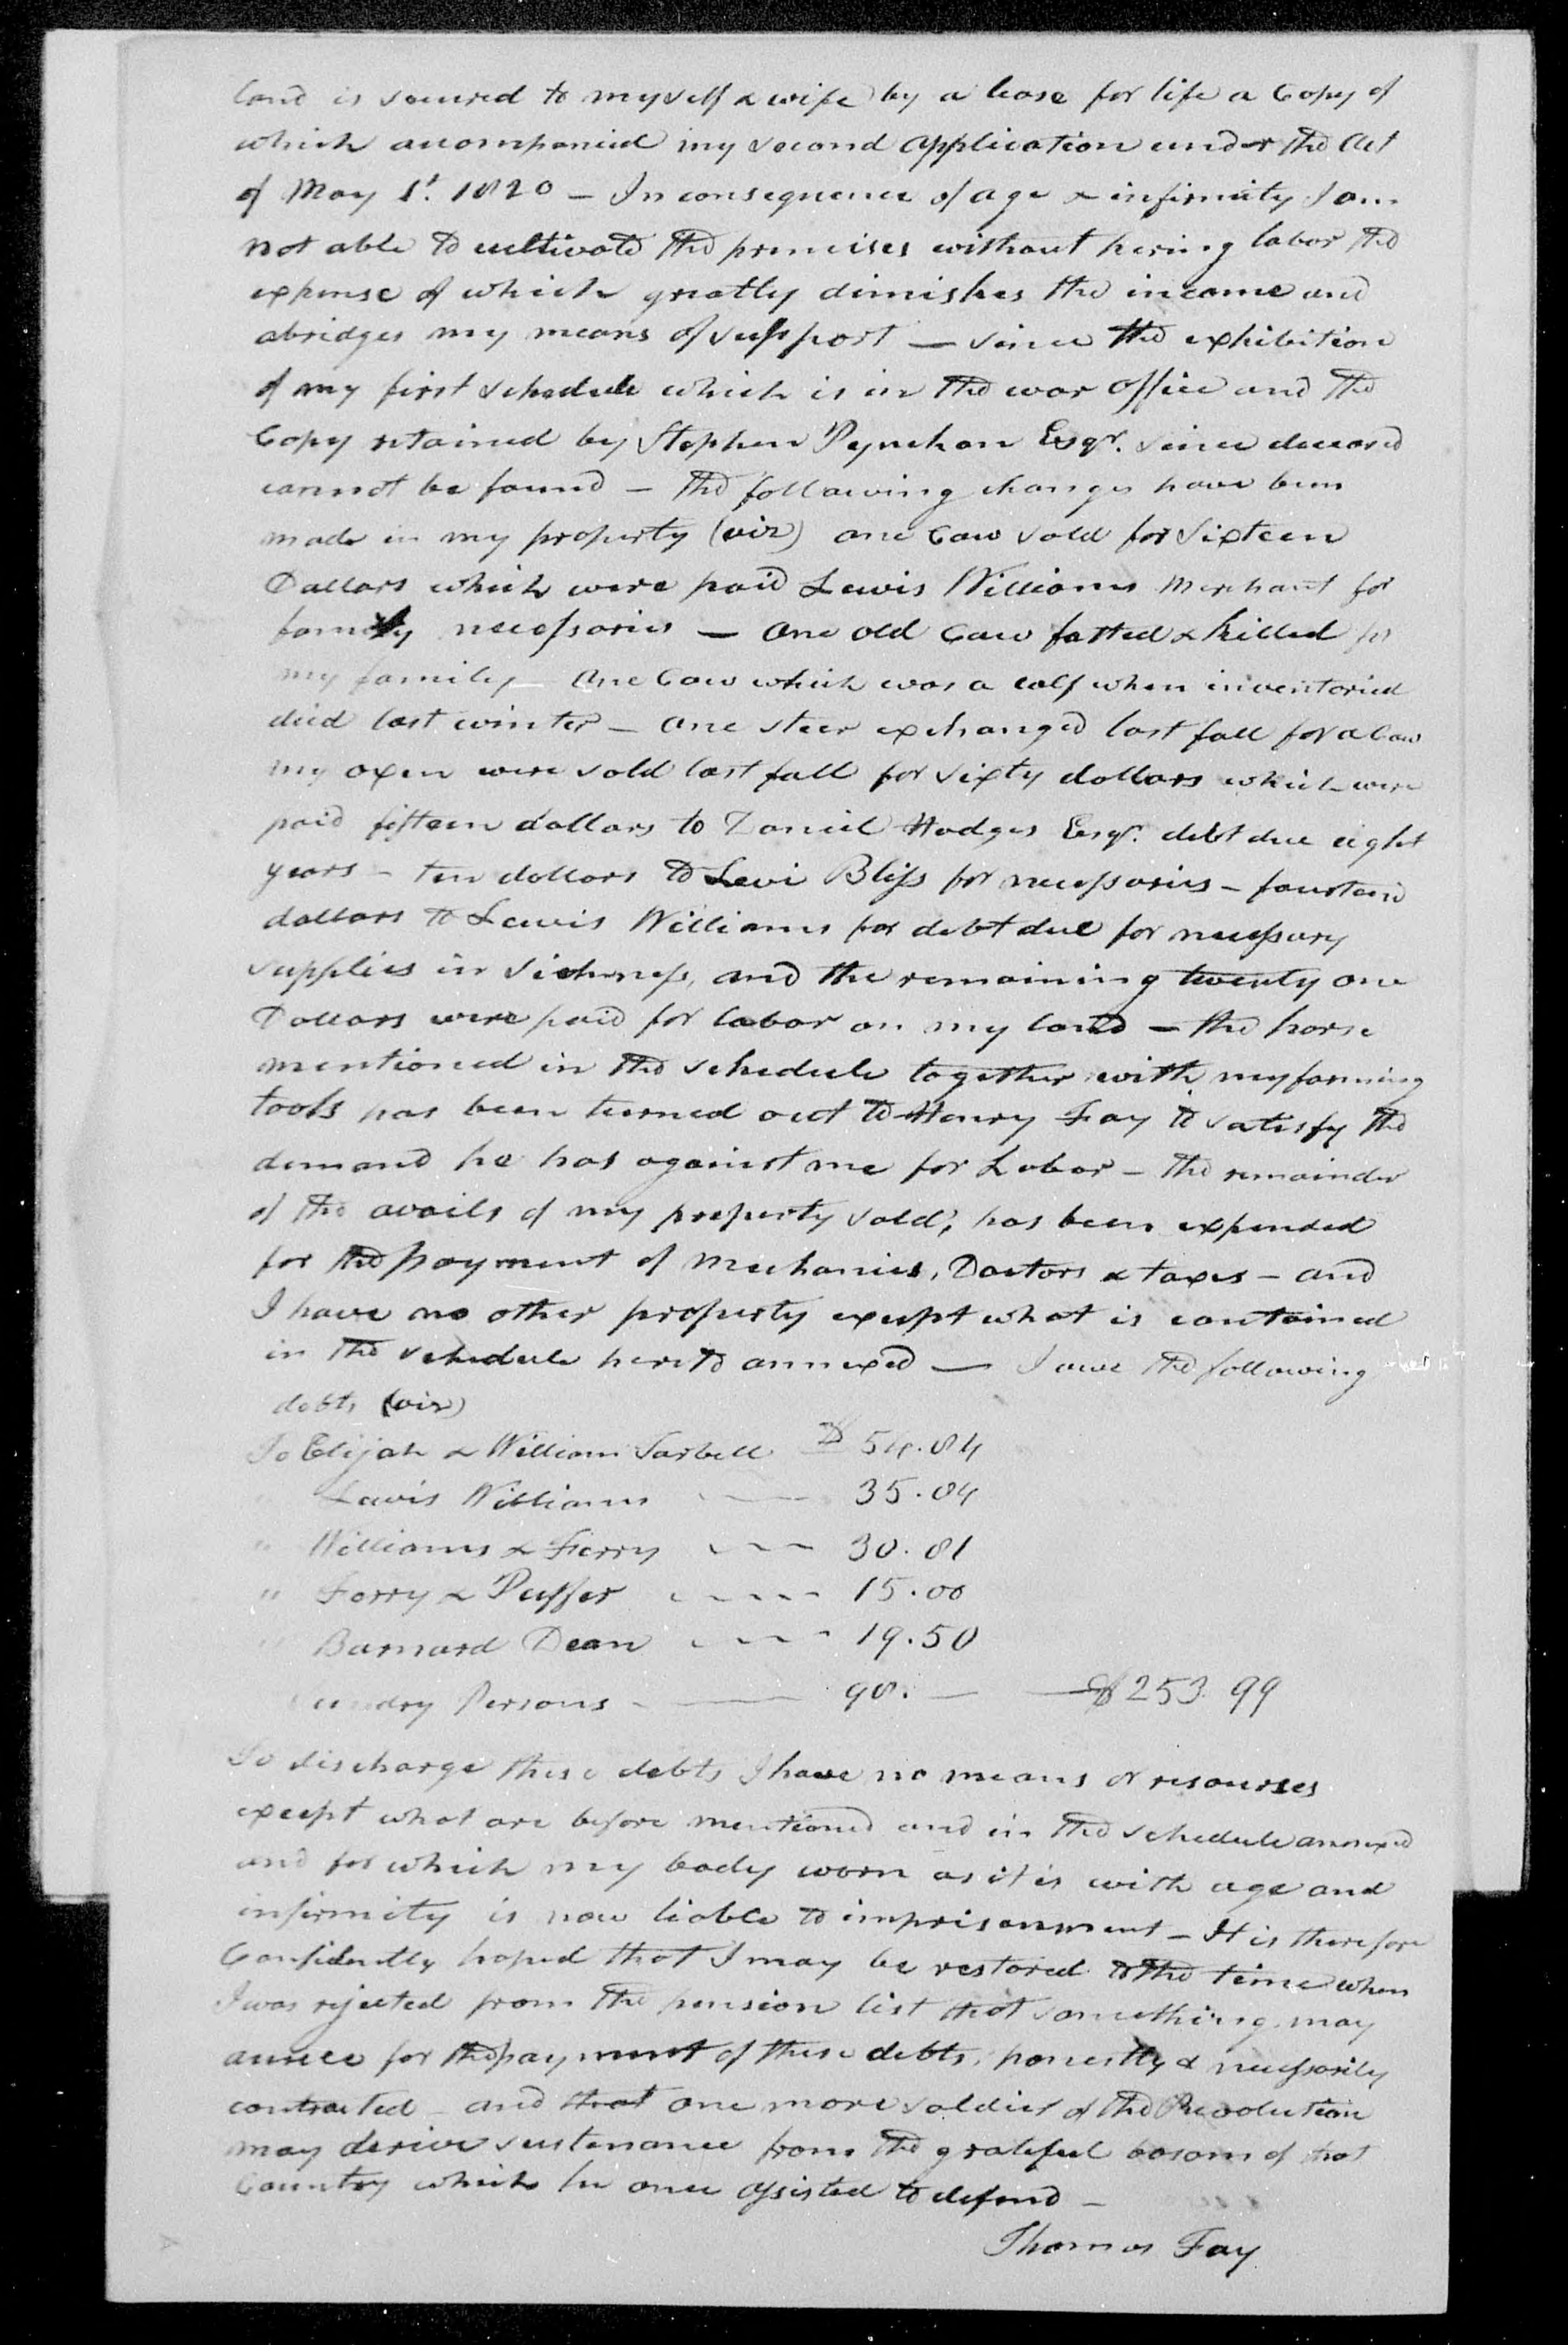land is sacred to myself & wife by a lease for life a which accompanied my second application under the act of May 1, 1820. In consequence of age & infirmity not able to cultivate the premises without having labor to
expense of which greatly diminishes the income and abridges my means of support - since the exhibition of my first schedule which is in the war office and the Copy retained by Stephen Pynchon Esqr since deceased cannot be found-- the following changes have been
made in my property (viz) one cow sold for Sixteen Dollars which were paid Lewis Williams Merchant for family necessaries - One old cow fatted & killed for my family One cow which was a calf when inventoried died last winter - One steer exchanged last fall for (?) my oxen were sold last fall for sixty dollars which were
paid fifteen dollars to Daniel Hodges Esqr debt due eight years, ten dollars to Levi Bliss for necessaries fourteen dollars to Lewis Williams for debt due for necessary supplies in sickness, and the remaining twenty one Dollars were paid for labor on my land - the horse mentioned in the schedule together with my farming tools has been turned out to Henry Day to satisfy the demand he has against me for Labor - the remainder of the avails of my property sold, has been expended for the payment of Mechanics, Doctors & taxes and
I have no other property except what is contained in the schedule hereto annexed

I owe the following debts (viz)
To Elijah & William Tarbell $54.04
Lewis Williams -- -- 35.04
Williams & Ferry - 30.81
Ferry & Puffer --- 15.00
Barnard Dean - 19.50
Sundry Persons- 90.     $253.99

To discharge this debts I have no means or resources except what are before mentioned and in the schedule annexed and for which my body worn as it is with age and infirmity is now liable to imprisonment-- It is therefore
Confidently hoped that I may be restored to the time when I was rejected from the pension list that something may and for the payment of these debts, honestly & necessarily
contracted and that one more soldier of the Revolution may derive sustenance from the grateful bosom of that country which he once assisted to defend
Thomas Fay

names: Thomas Fay, Ferry, Barnard Dean, William Tarbell, Stephen Pynchon, Ferry, Levi Bliss, Daniel Hodges, Elijah Tarbell, Henry Fay, Lewis Williams, Lewis Williams, Peiffer, Williams, Lewis Williams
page: 22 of 31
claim: survivor's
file: S. 34,839, Thomas Fay, Mass.